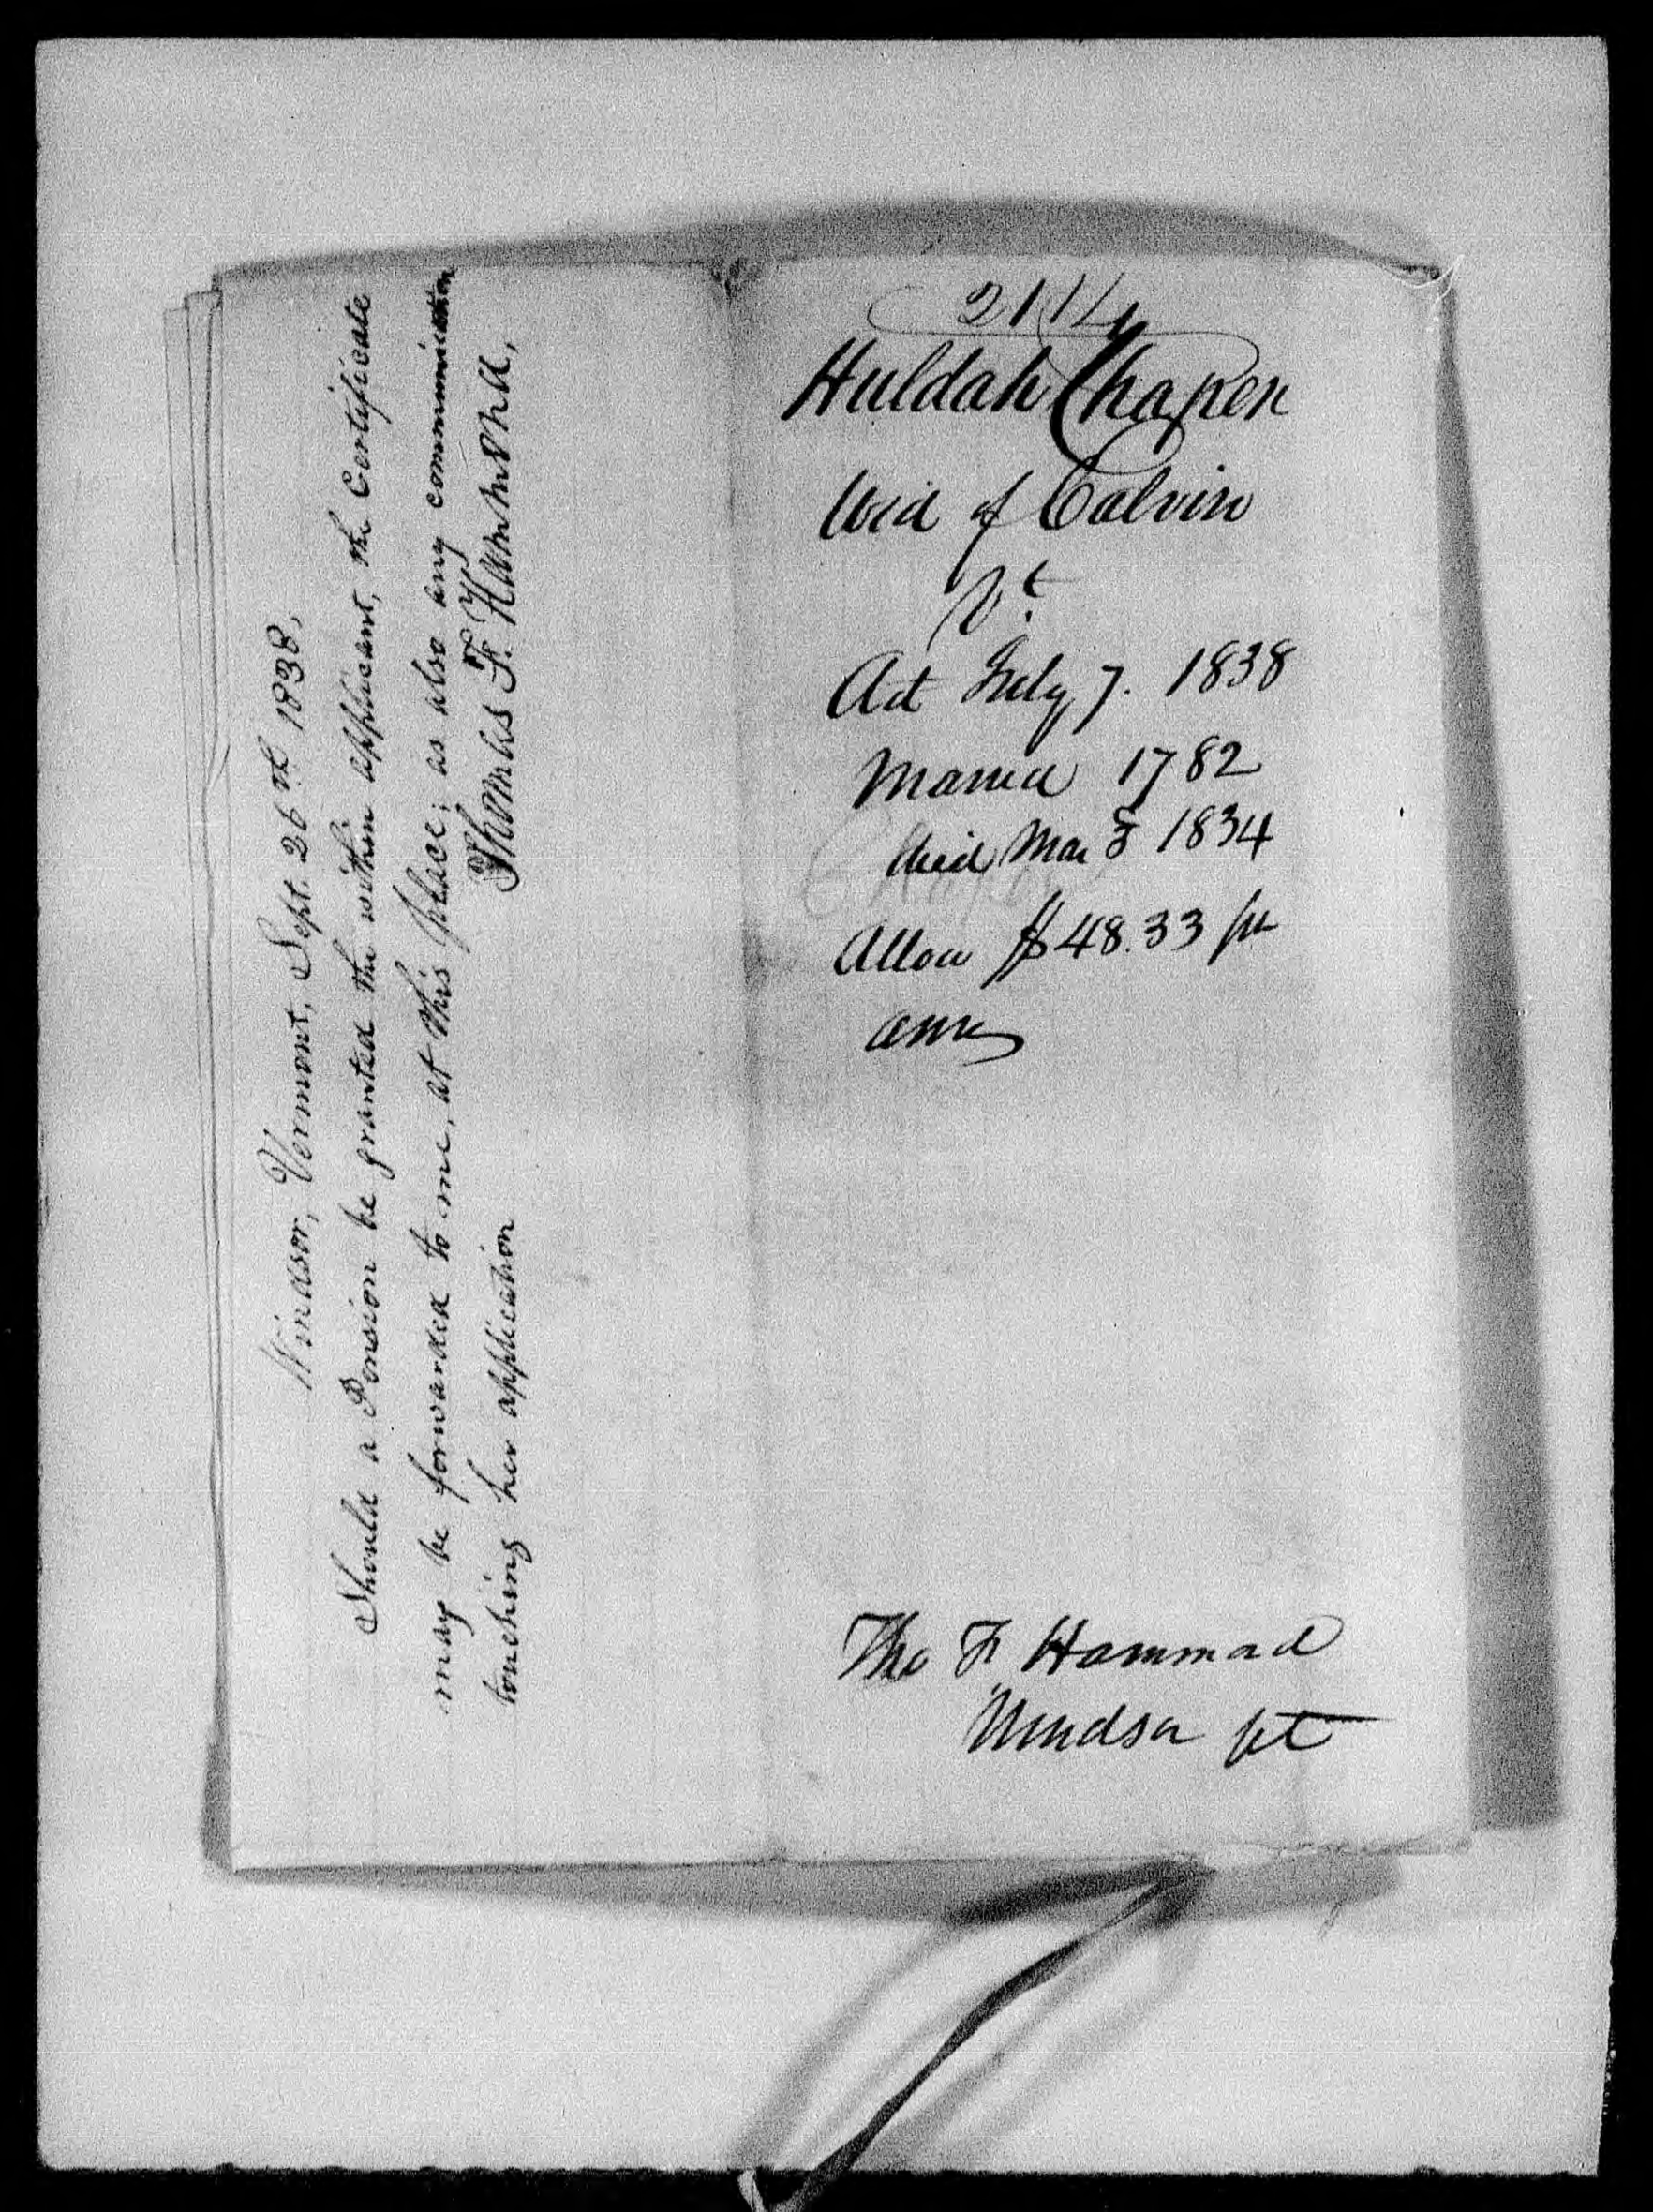[verso]

Windsor, Vermont, Sept. 26th 1838, 
Should a Pension be granted the within applicant, the certificate may be forwarded to me, at this place; as also any communication touching her application.
/s/Thomas F. Hammond,

[recto]

2114
Huldah Chapen wid of Calvin Vt.
Act July 7. 1838
Married 1782
died Mar 3 1834
Allow $48.33 per annum

Tho F Hammond
Windsor Vt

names: Calvin Chapen, Huldah Chapen, Thomas F Hammond, Tho F Hammond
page: 11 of 35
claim: widow's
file: W. 20,864, Calvin Chapin, Mass. Vt.